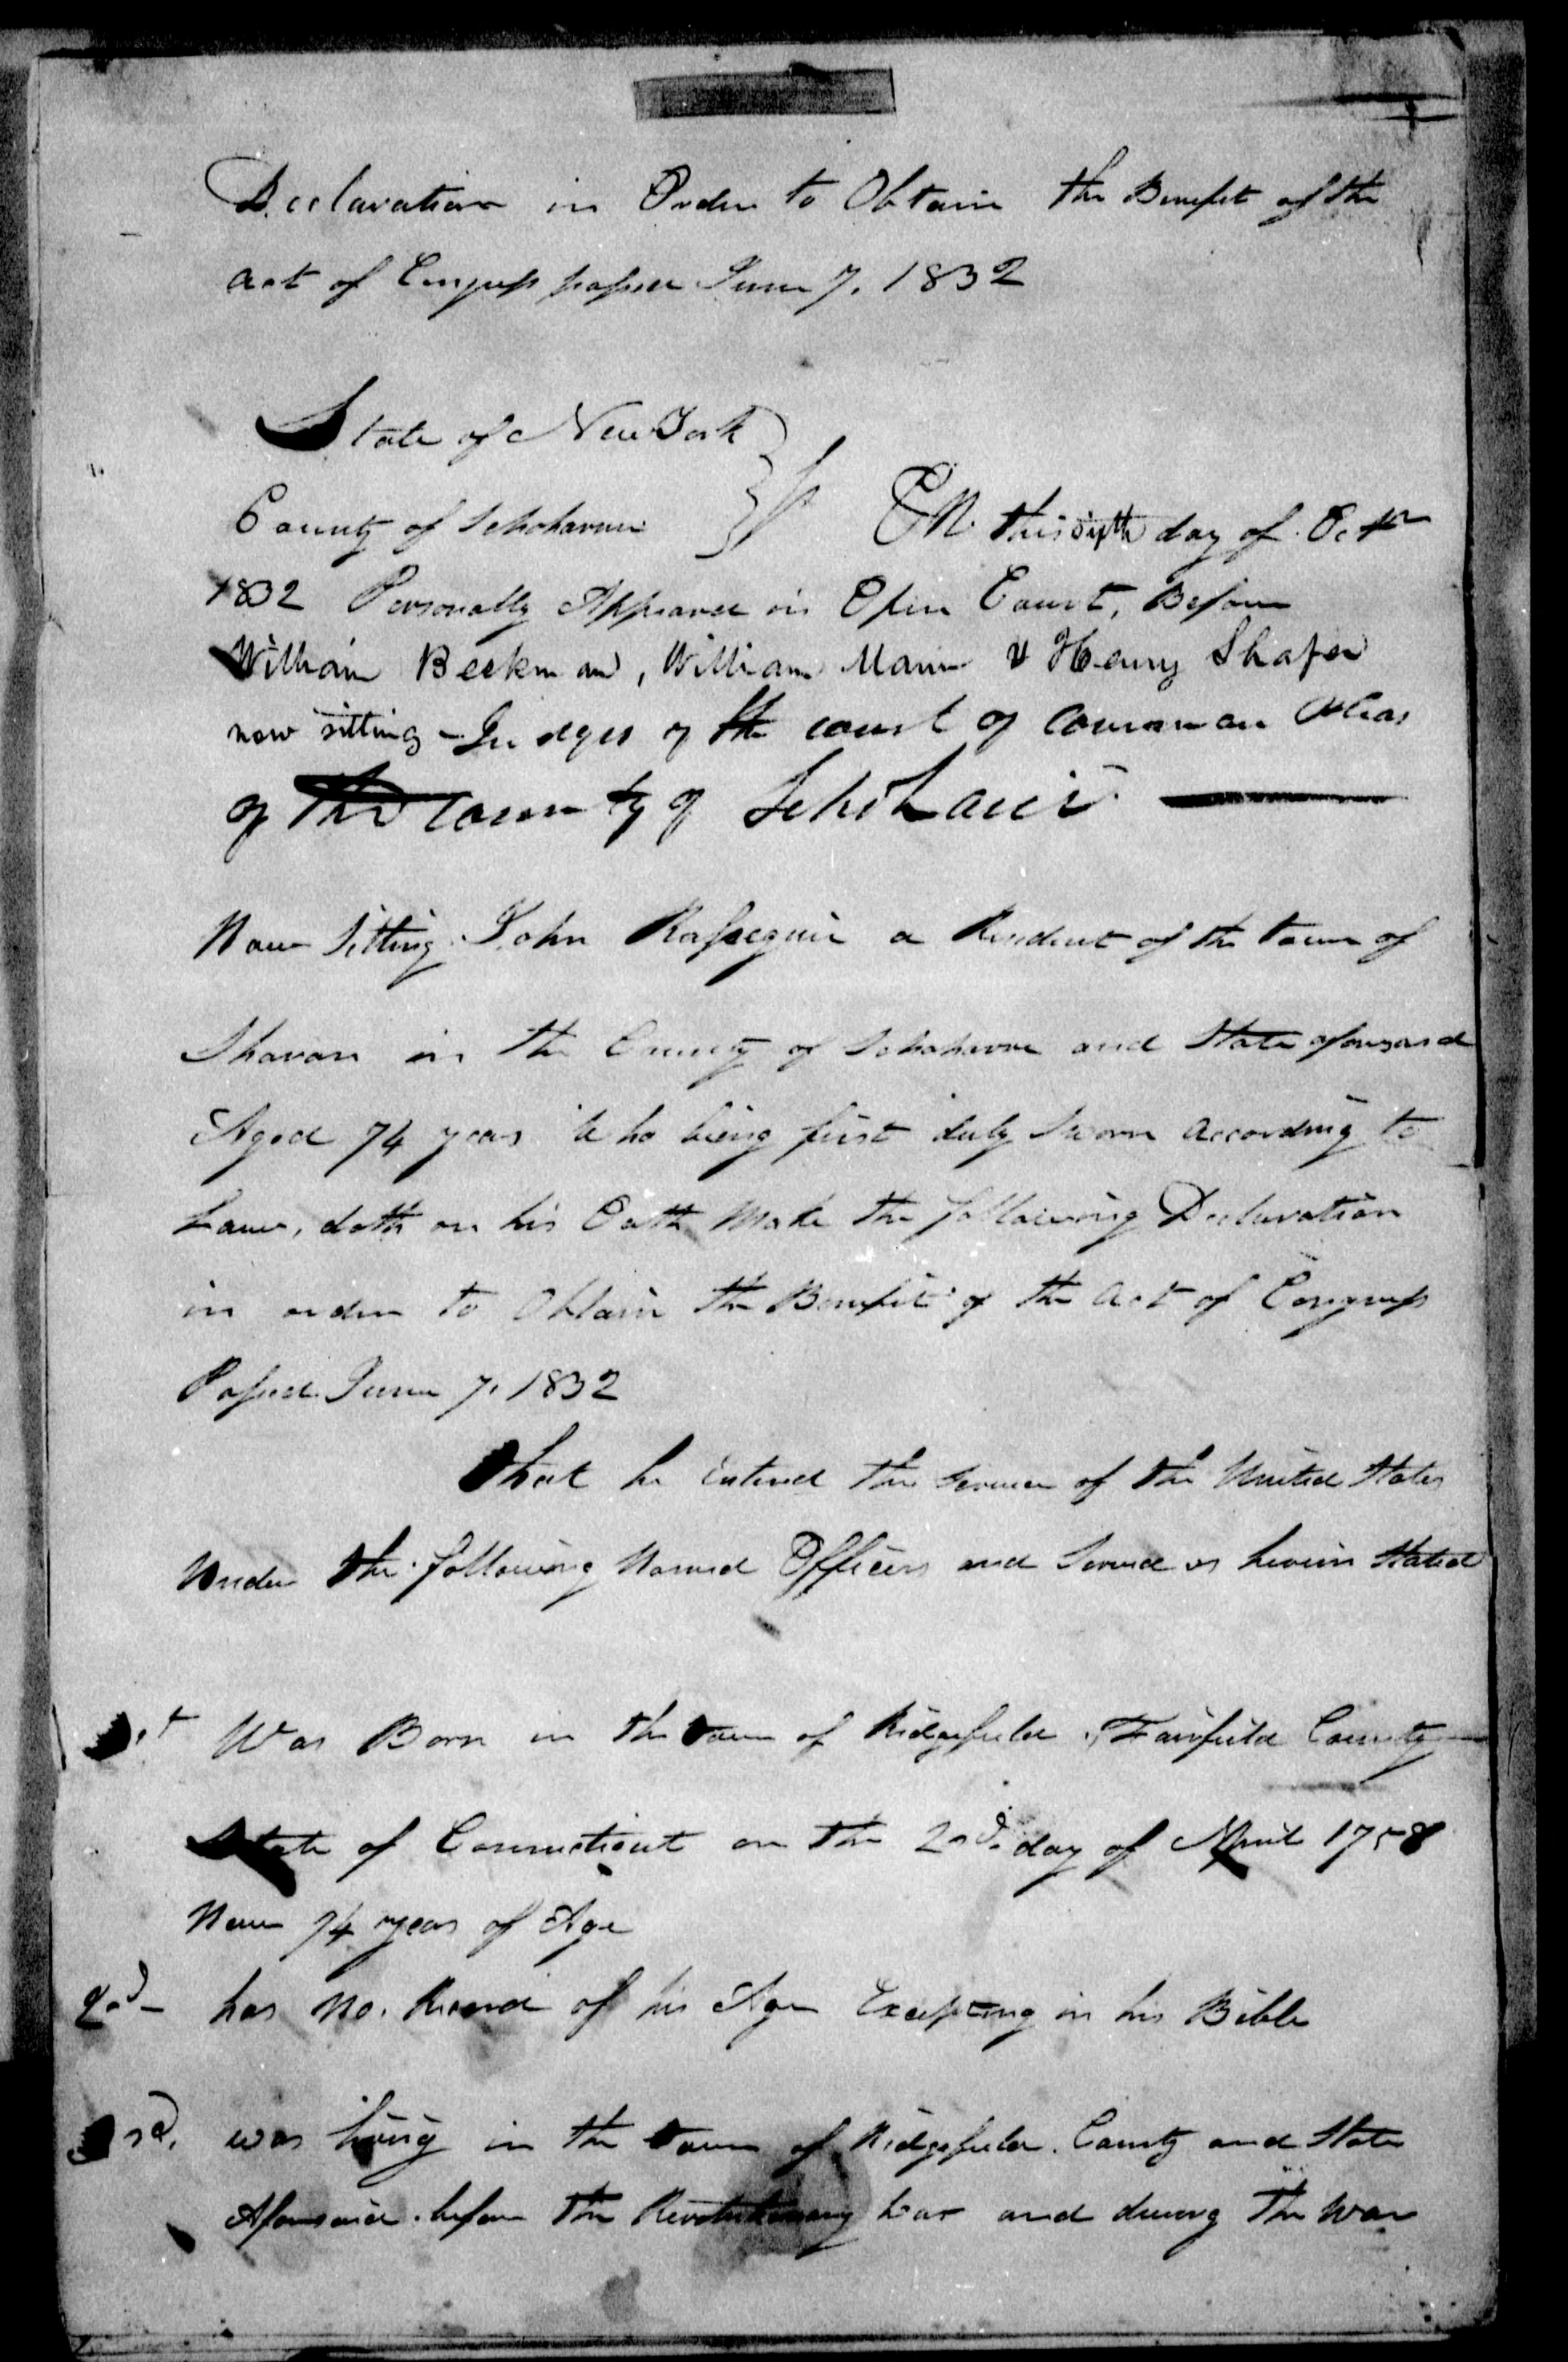Declaration in order to obtain the benefit of the act of Congress passed June 7, 1832 

State of New York 
County of Schoharie 
On this sixth day of Oct. 1832 Personally Appeared in Open Court, Before William Beckman, William Mann & Henry Shafer now sitting - Judges of the Court of Common Pleas of the County of Schoharie 

Now sitting John Rassequie a resident of the town of Sharon in the County of Schoharie and State aforesaid. Aged 74 years who being first duly sworn according to law, doth on his Oath make the following Declaration in order to obtain the Benefit of the act of Congress Passed June 7, 1832 that he entered the service of the United States under the following named Officers and served as herein stated 
1st - was Born in the town of Ridgefield Fairfield County State of Connecticut on the 2d day of March 1758. Now 74 years of age.
2nd - has no record of his Age Excepting in his Bible 
3rd - was living in the town of Ridgefield, County and State Aforesaid, before the Revolutionary War and during the war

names: John Rasseguie; William Beckman; William Mann; Henry Shaper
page: 3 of 29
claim: survivor's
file: S. 14,268, for John Resseguie, New York